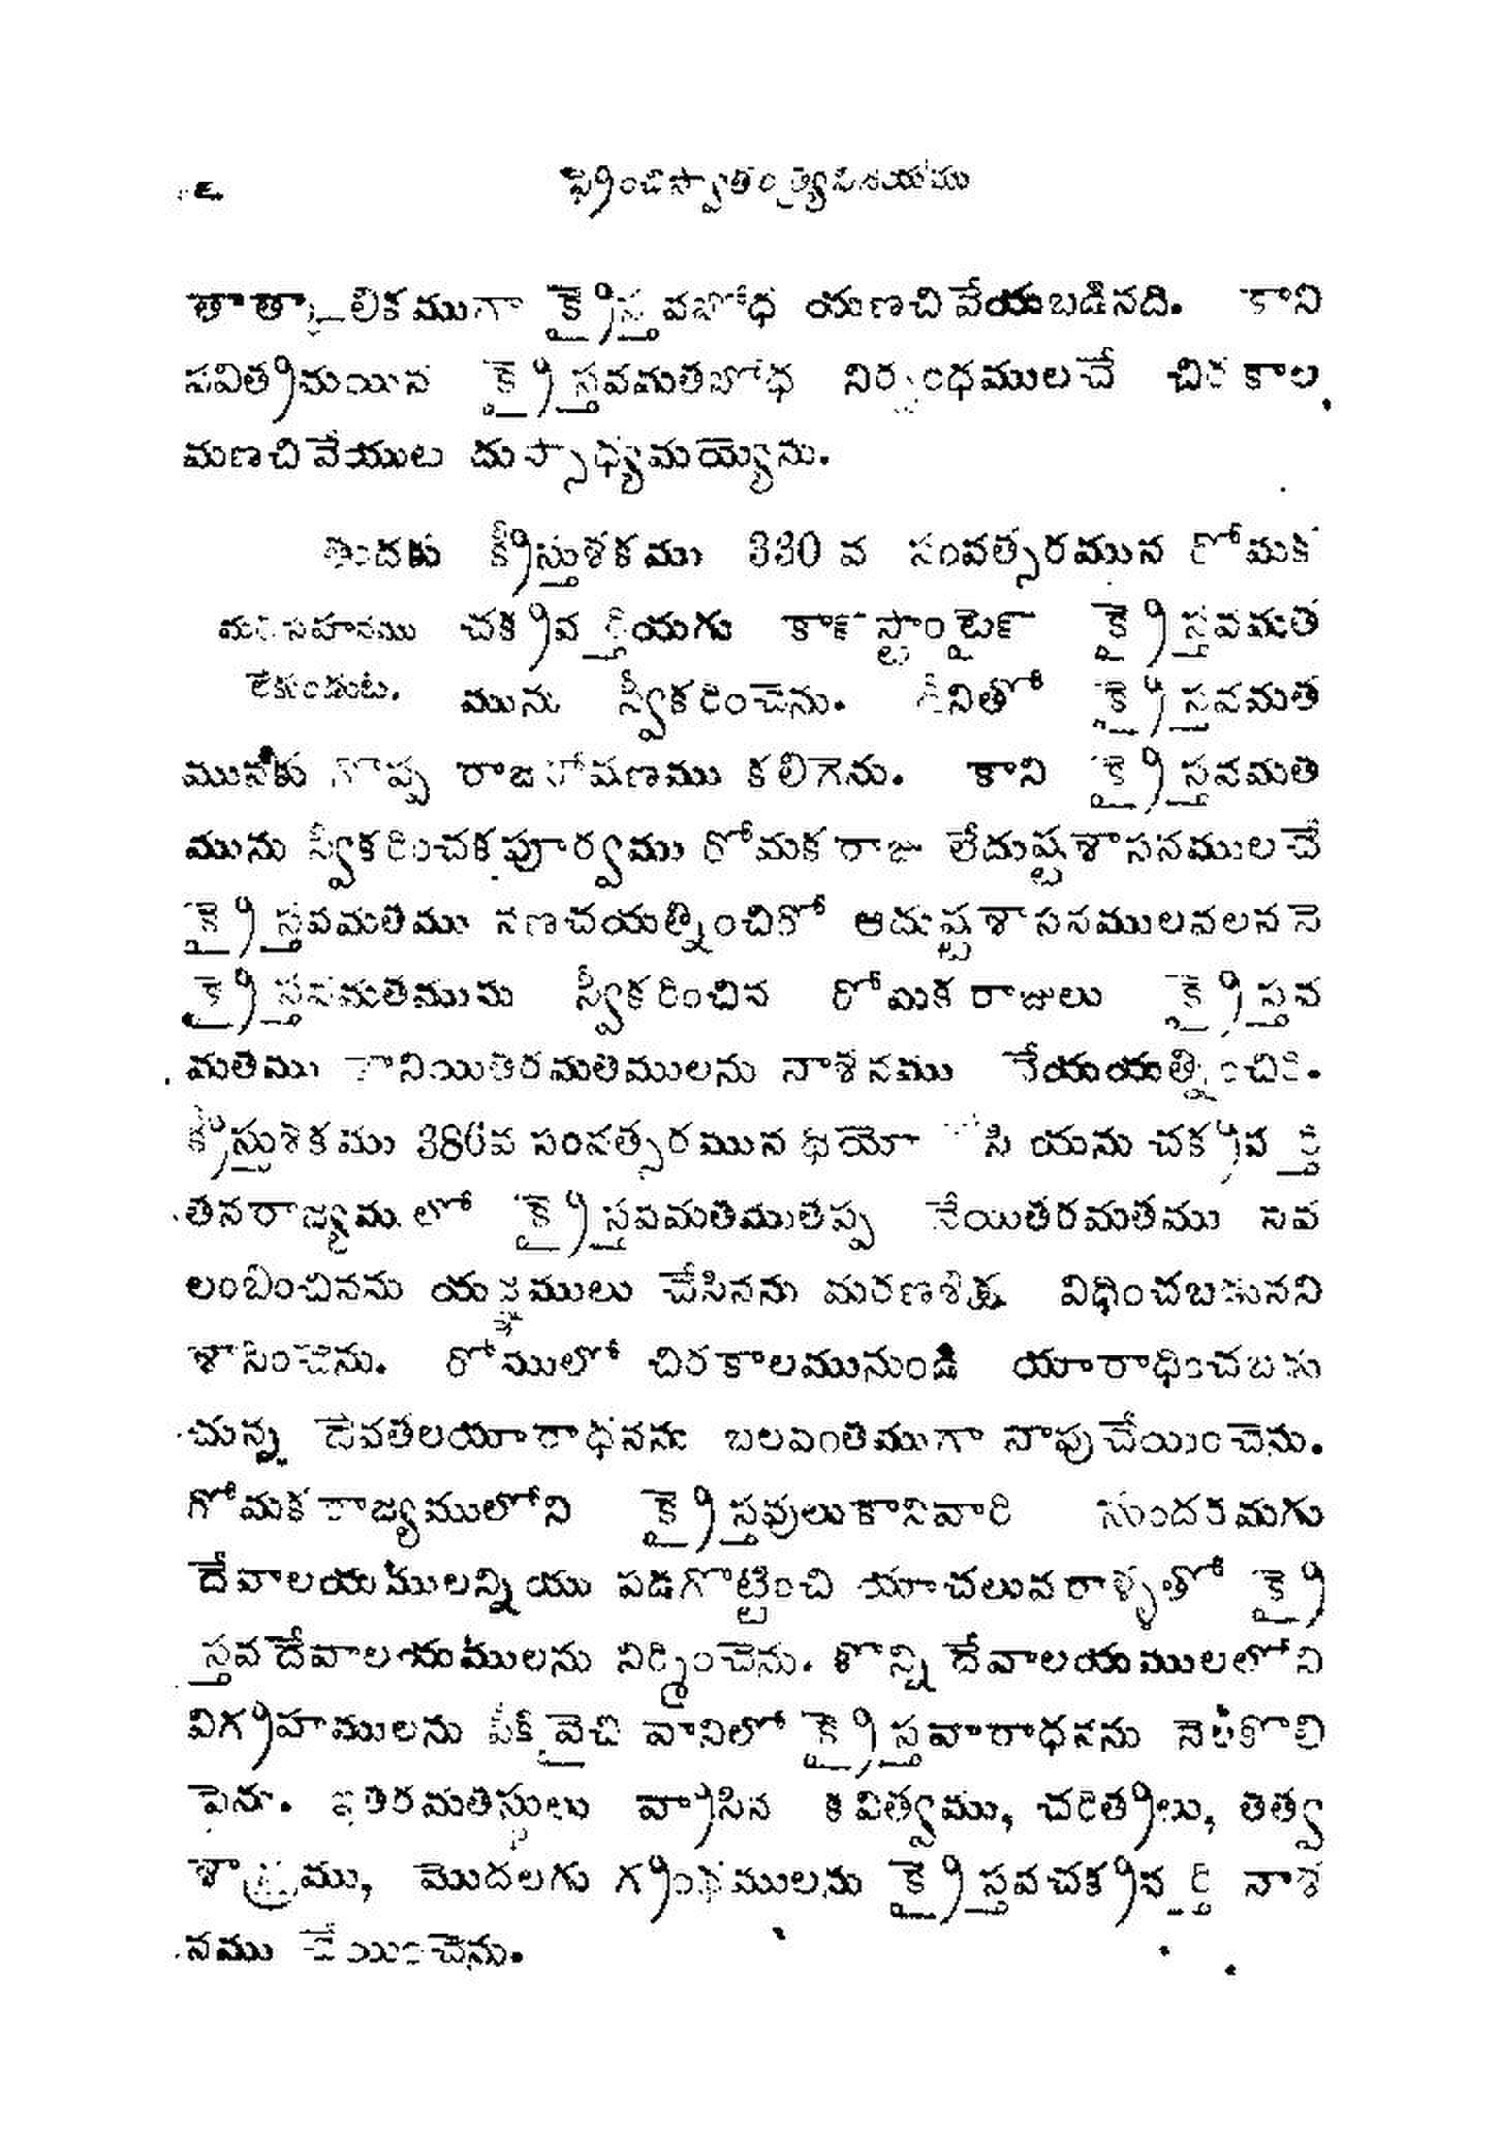తాత్కాలికముగా క్రైస్తవ బోధ యణచి వేయబడినది.
పవిత్రమయిన క్రైస్తవమతబోధ నిర్బంధములచే చిరకాల,
మణచివేయుట దుస్సాధ్యమయ్యెను.

తుదకు క్రీస్తుశకము 330 వ సంవత్సరమున రోమక
చక్రవర్తి యగు కాంస్టాంటైన్ క్రైస్తవమత
మును స్వీకరించెను. దీనితో క్రస్తవమత
మునకు గొప్పు రాజ పోషణము కలిగెను. కాని క్రైస్తవమత
మును స్వీక రించక పూర్వము
రోమక రాజులే దుష్ట శాసనములచే
క్రైస్తవమతము నణచయత్నించిరో ఆదుష్టశాసనములవలన నె
క్రైస్తవ నుతమును స్వీకరించిన రోమక రాజులు క్రైస్తవ
మతముకాని యితర మతములను నాశనము చేయయత్నించిరి.
క్రీస్తుశ కము 386వ సంవత్సరమున థియోరోసియను చక్రవర్తి తనరాజ్యములో
క్రైస్తవమతముతప్ప నేయితరమతము నవ
లంబించినను యజ్నములు చేసినను మరణశిక్ష విధించబడు శాసించెను.
రోములో చిరకాలమునుండి యారాధించబడు
చున్న దేవతలయా రాధనను బలపంతముగా నాపు చేయించెను.
రోమక రాజ్యములోని క్రైస్తవులు కాని వారి సుందరమగు
దేవాలయములన్నియు పడగొట్టించి యాచలువ రాళ్ళతో
క్రైస్తవ దేవాలనుములను నిర్మించెను. కొన్ని దేవాలయములలోని
విగ్రహములను పీకీ వైచి వానిలో క్రైస్తవారాధసను నెలకొల్పెను.
ఇతర మతస్తులు వ్రాసిన కవిత్వము, చరిత్రలు, తత్వ
శాస్త్రము, మొదలగు గ్రంథములను క్రైస్తవ చక్రవర్తి నాశ
నము చేయించెను.